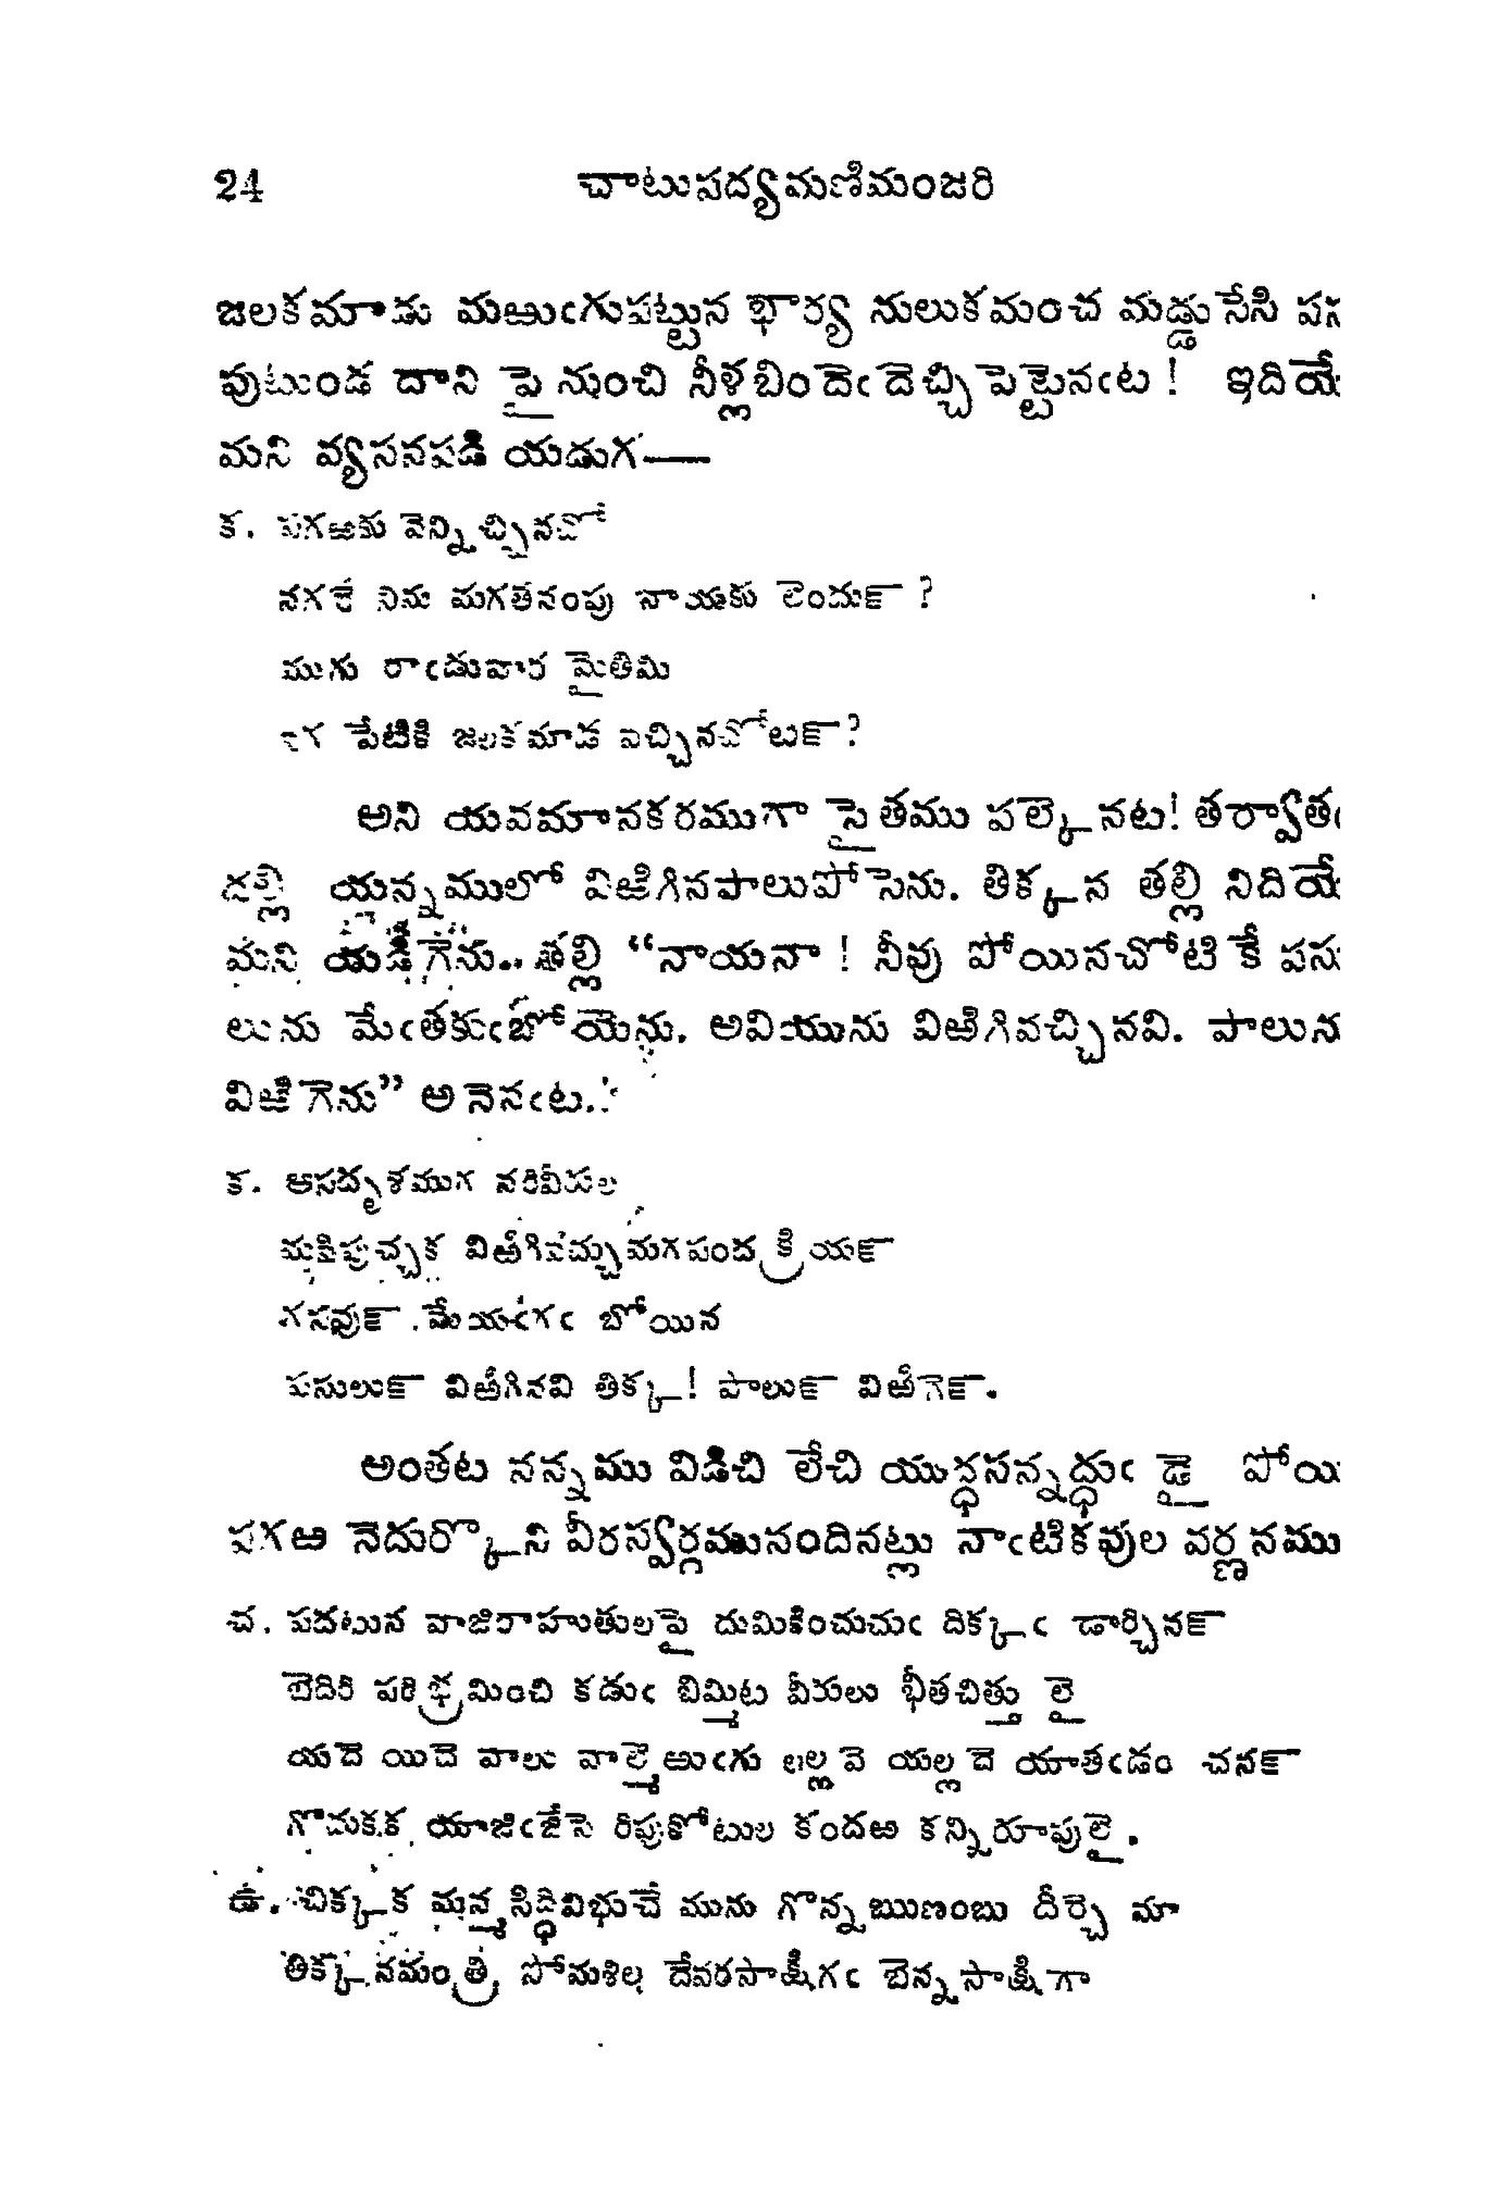జలకమాడు మఱుఁగుపట్టున భార్య నులకమంచ మడ్డుసేసి పసపుటుండ పెట్టి దాన పైనుంచి నీళ్ళబిందెఁ దెచ్చిపెట్టెనఁట! ఇది యే మని వ్యసనపడి యడుగ—
క. పగఱకు వెన్నిచ్చినచో
 నగరే నిను మగతనంపు నాయకు లెందున్?
 ముగు రాఁడువార మైతిమి
 వగ పేటికి జలకమాడ వచ్చినచోటన్?
అని యవమానకరముగా సైతము పల్కెనఁట! తర్వాతఁ దల్లి యన్నములో విఱిగినపాలు పోసెను. తిక్కన తల్లి నిదియేమని యడిగెను. తల్లి “నాయనా! నీవు పోయినచోటికే పసులును మేఁతకుఁ బోయెను. అవియును విఱిగి వచ్చినవి. పాలును విఱిగెను.” అనెనఁట!
క. అసదృశముగ నరివీరుల
 మసిపుచ్చక విఱిగివచ్చు మగపందక్రియన్
 గసవున్ మేయఁగఁ బోయిన
 పసులున్ విఱిగినవి తిక్క! పాలున్ విఱిగెన్.
అంతట నన్నము విడిచి లేచి యుద్ధసన్నద్ధుఁడై పోయి పగతుఱ నెదుర్కొని వీరస్వర్గము నందినట్లు నాఁటికవుల వర్ణనము.
చ. పదటున వాజిరాహుతులపై దుమికించుచుఁ దిక్కఁ డార్చినన్
 బెదరి పరిభ్రమించి కడు బిమ్మిట వీరులు భిత్తచిత్తులై
 యదె యిదె వాలు వాల్మెఱుఁగు లల్లవె యల్లదె యాతఁడం చనన్
 గొదుకక యాజిఁజేసె రిపుకోటుల కందఱ కన్నిరూపులై.
ఉ. చిక్కక మన్మసిద్ధివిభుచే మును గొన్నఋణంబు దీర్చె మా
 తిక్కనమంత్రి సోమశిల దేవరసాక్షిగఁ బెన్నసాక్షిగా